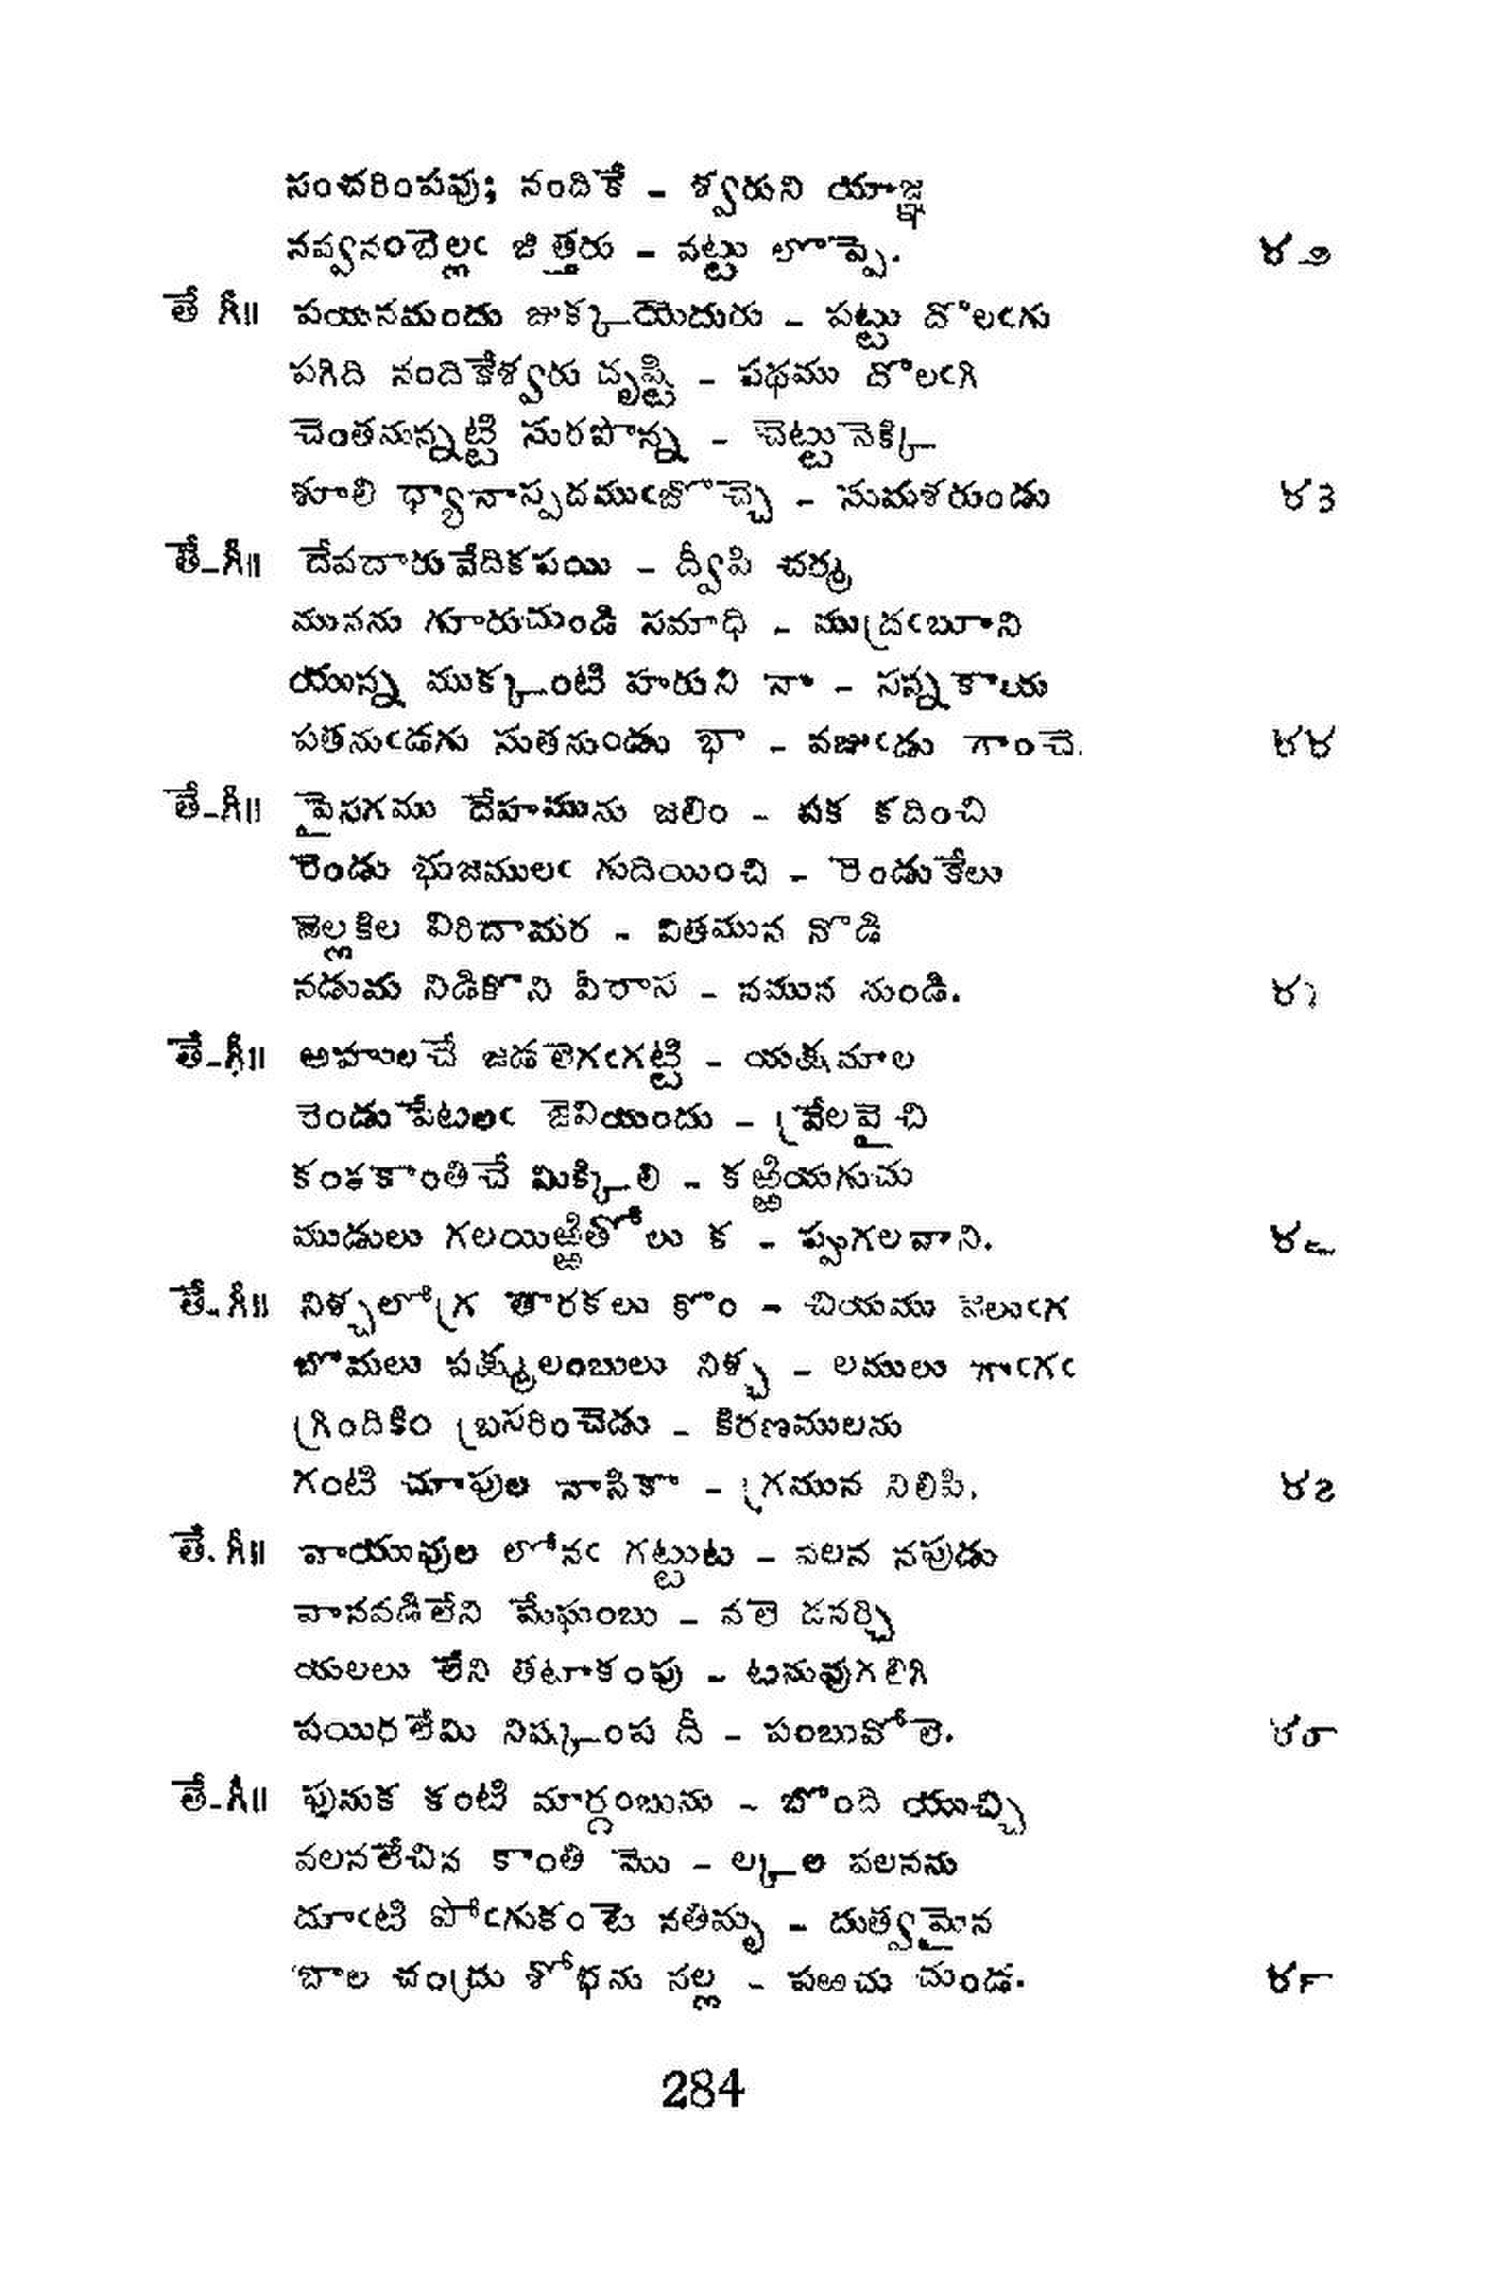సంచరింపవు; నందికే - శ్వరుంజి యాజ్ఞ
 నవ్వనంబెల్ల జిత్తరు - పట్టు లిలొప్పె 42
తే-గీ|| పయినమందు జుక్కయెదురు - పట్టు దొలగు
 పగిది నందికేశ్వరు దృష్టి - పట్టు దొలగు
 చెంతనున్నట్టి సురపొన్న -చెట్టునెక్కి
 శూలి ధ్యానాప్పదముజొచ్దె - సుమశరుండు 43
తే-గీ|| దేవదారువేదికపయి - ద్వీపి చర్మ
 మునకు గూరుచుండి సమాధి - ముద్రబూని
 యున్న ముక్కంటి హరుని నా - సన్నకాయ
 పతనుడగు సుతనుందు భా- నజుడు గాంచె 44
తే-గీ|| పైసగము దేహమును జలిం - పక కదించి
 రెండు భుజమౌల గిదియించి - రెండుకేలు
 ఱెల్లకిల విరిదామర - వితమున నొడి
 నదుమ నిదికొని నీరాస - నమున నుండి 45
తే-గీ|| అహులచే జదలలెగగట్టి - యక్షమాల
 రెండుపేటల జెనియించు -వ్రేలవైచి
 కందకాంతిచే మిక్కిలి - కఱ్ఱియగును
 ముడులు గలయిఱ్ఱితోలుఇ క - ప్పుగలవాని 46
తే-గీ|| నిశ్చలోగ్ర తరకలు కొం - చియ్ము వెలుగ
 బొమలు పక్ష్మలంబులు నిశ్చ -.లములు గాగ
 గ్రిందికి బ్రసరించెడు - కిరణములను 
 గంటె చూపుల నాసికా - గ్రమున నిలిపి 47
తే-గీ|| వాయువుల లోన గట్టుట - వలన నపుడు
 వాననడిలేని మేఘంబు - వలె దనర్చి
 యలలు లేని తటాకంపు - తనువుగలిగి
 సయిరలేమి నిష్కంపదీ - పంబువోలె 48
తే-గీ|| పునుక కంటి మార్గంబును - బొంగి యిచ్చి
 నలలేచిన కాంతి మొ - ల్కల వలనను
 దూటి పోగుకంటె నతిమృ - దుత్వమైన
 బాల చంద్రు శోబను నల్ల - పఱచు చుండ 49